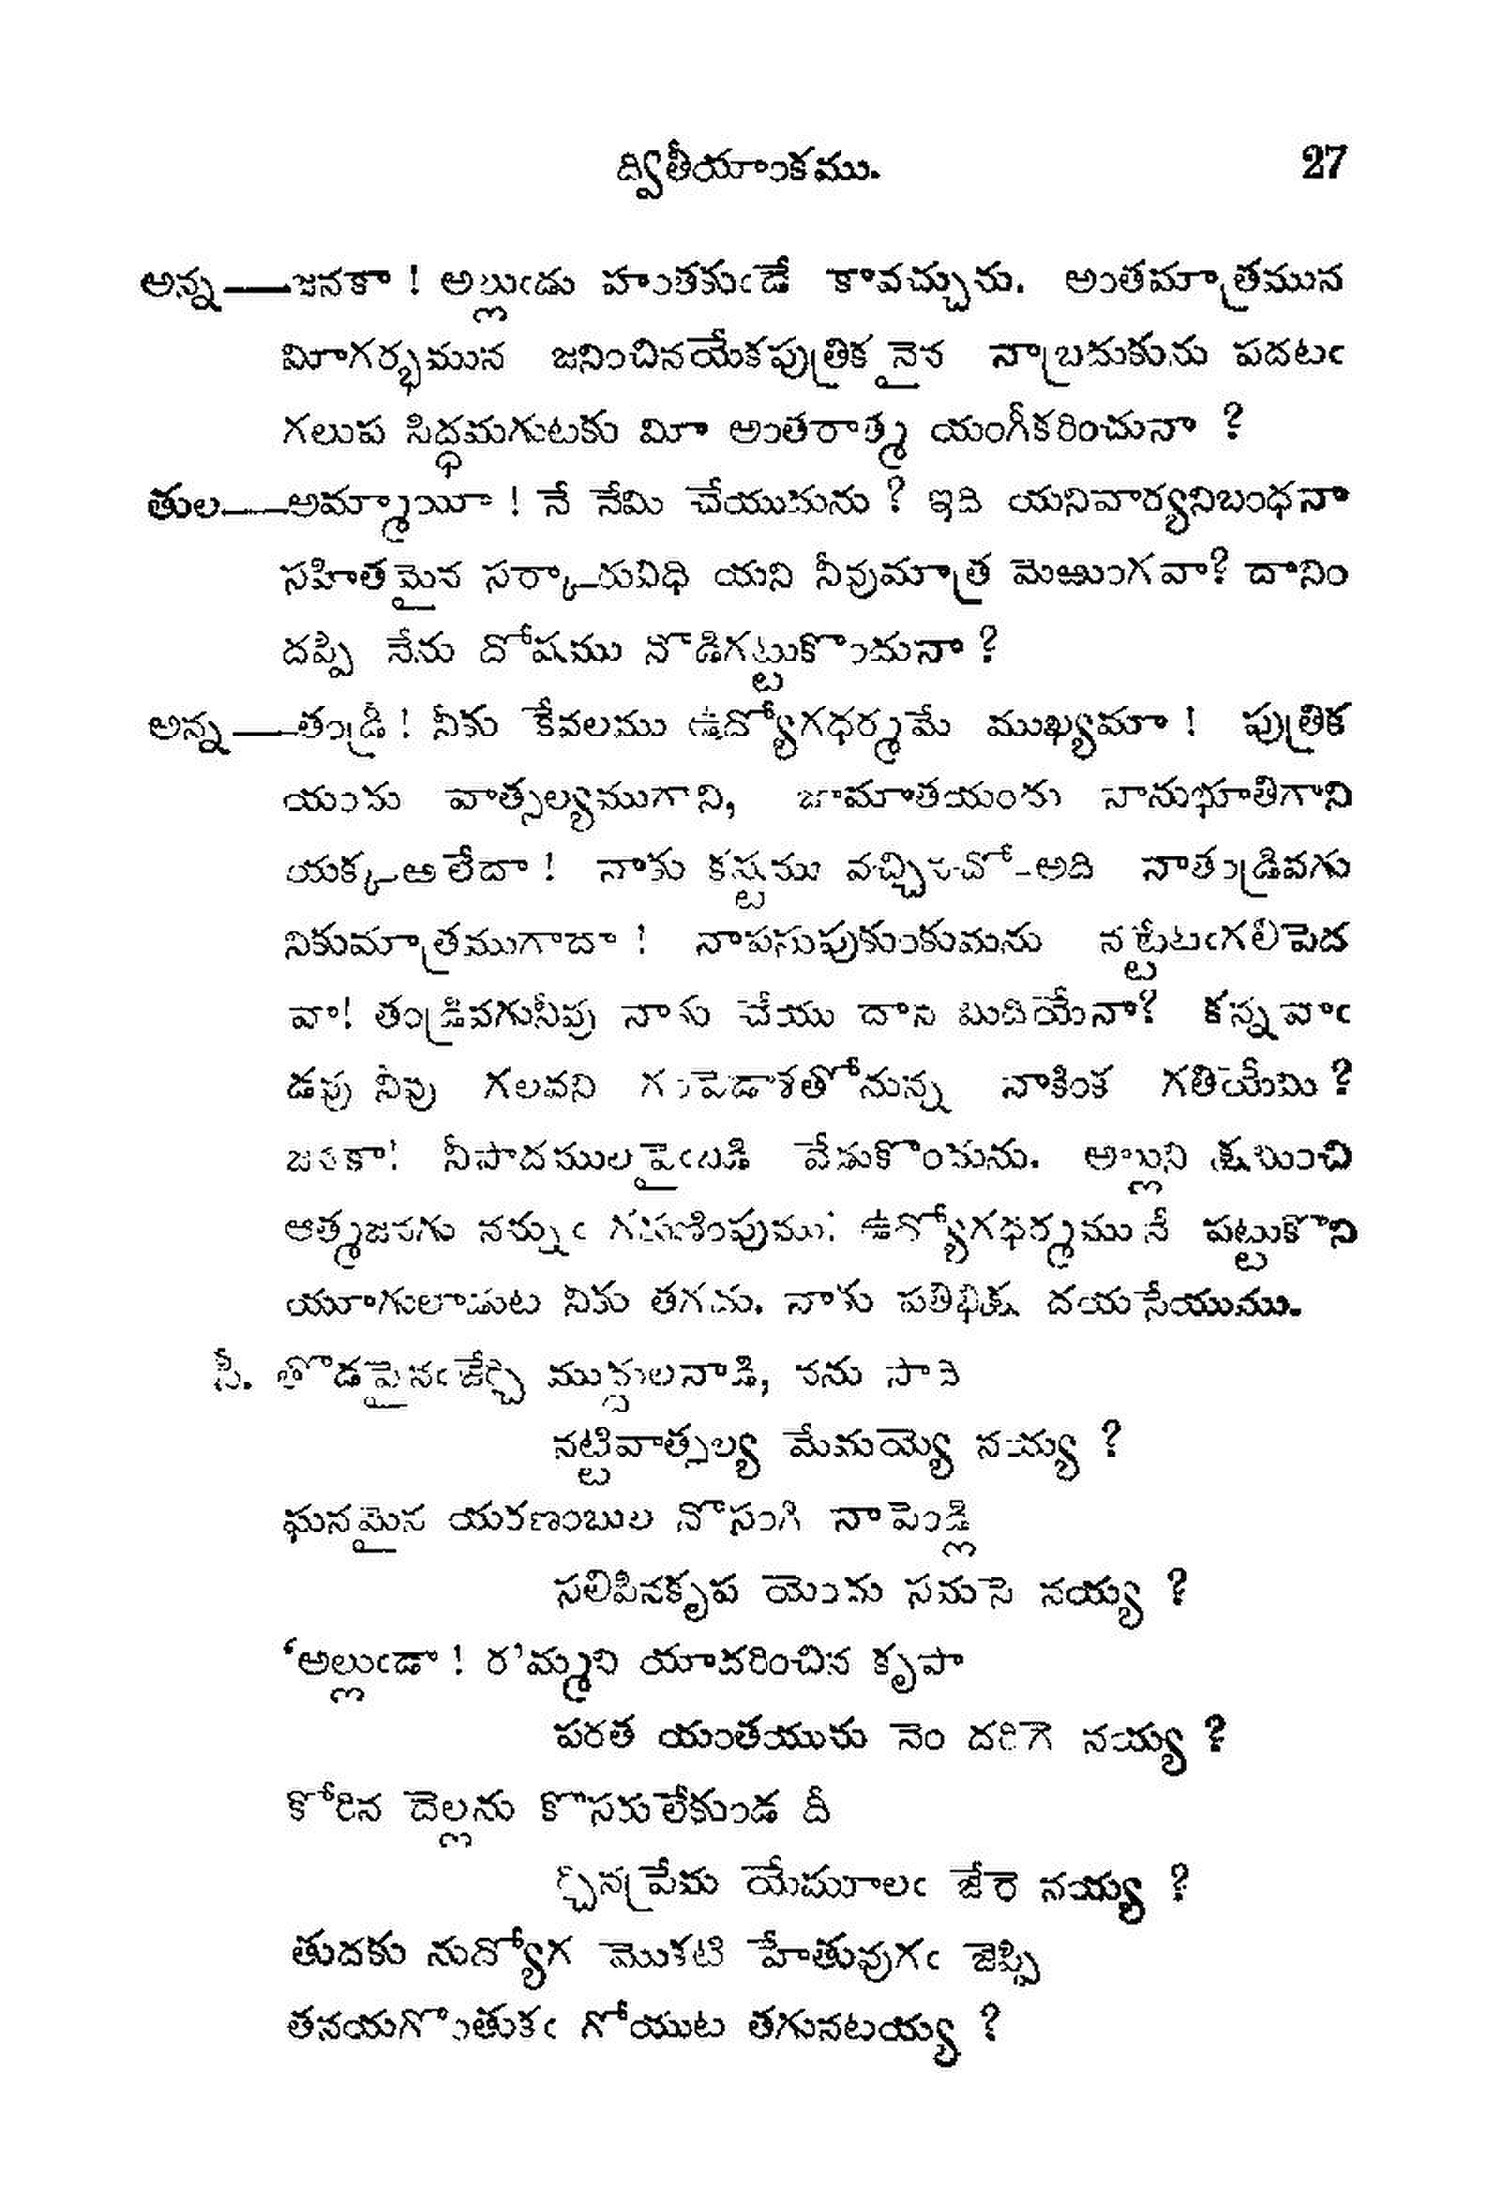అన్న -- జనకా ! అల్లుఁడు హంతకుఁడే కావచ్చును. అంతమాత్రమున మీగర్భమున జనించినయేక పుత్రికనైన నాబ్రదుకును పదటఁ గలుప సిద్ధమగుటకు మీ అంతరాత్మ యంగీకరించునా ?

తుల - అమ్మాయీ! నే నేమి చేయుదును ? ఇది యనివార్యనిబంధనా సహితమైన సర్కారువిధి యని నీవుమాత్ర మెఱుంగవా? దానిం దప్పి నేను దోషము నొడిగట్టుకొందునా ?

అన్న - తండ్రీ ! నీకు కేవలము ఉద్యోగధర్మమే ముఖ్యమా ! పుత్రిక యందు వాత్సల్యముగాని, జమాతయందు నానుభూతిగాని యక్కఱలేదా ! నాకు కష్టము వచ్చినచో - అది నాతండ్రివగు
నీకుమాత్రముగాదా ! నాపసుపుకుంకుమను నట్టేటఁగలిపెదవా! తండ్రివగునీవు నాకు చేయు దాన మిదియేనా? కన్నవాఁడవు నీపు గలవని గంపెడాశతోనున్న నాకింక గతియేమి ? జనకా! నీ పాదములపైఁబడి వేడుకొందును. అల్లుని క్షమించి ఆత్మజనగు నన్నుఁ గరుణింపుము. ఉద్యోగధర్మము నే పట్టుకొని యూగులాడుట నీకు తగదు. నాకు పతిభిక్ష దయసేయుము.

సీ. తొడపైనఁజేర్చి ముద్దులనాడి, నను సాది
 నట్టివాత్సల్య మేమయ్యె నయ్య ?
 ఘనమైన యరణంబుల నొసంగి నా పెండ్లి
 సలిపినకృప యెందు సమసె నయ్య ?
 'అల్లుఁడా ! ర'మ్మని యాదరించిన కృపా
 పరత యంతయును నెం దరిగె నయ్య?
 కోరిన దెల్లను కొసరులేకుండ దీ
 ర్చినప్రేమ యేమూలఁ జేరె నయ్య ?

 తుదకు నుద్యోగ మొకటి హేతువుగఁ జెప్పి
 తనయగొంతుకఁ గోయుట తగునటయ్య ?